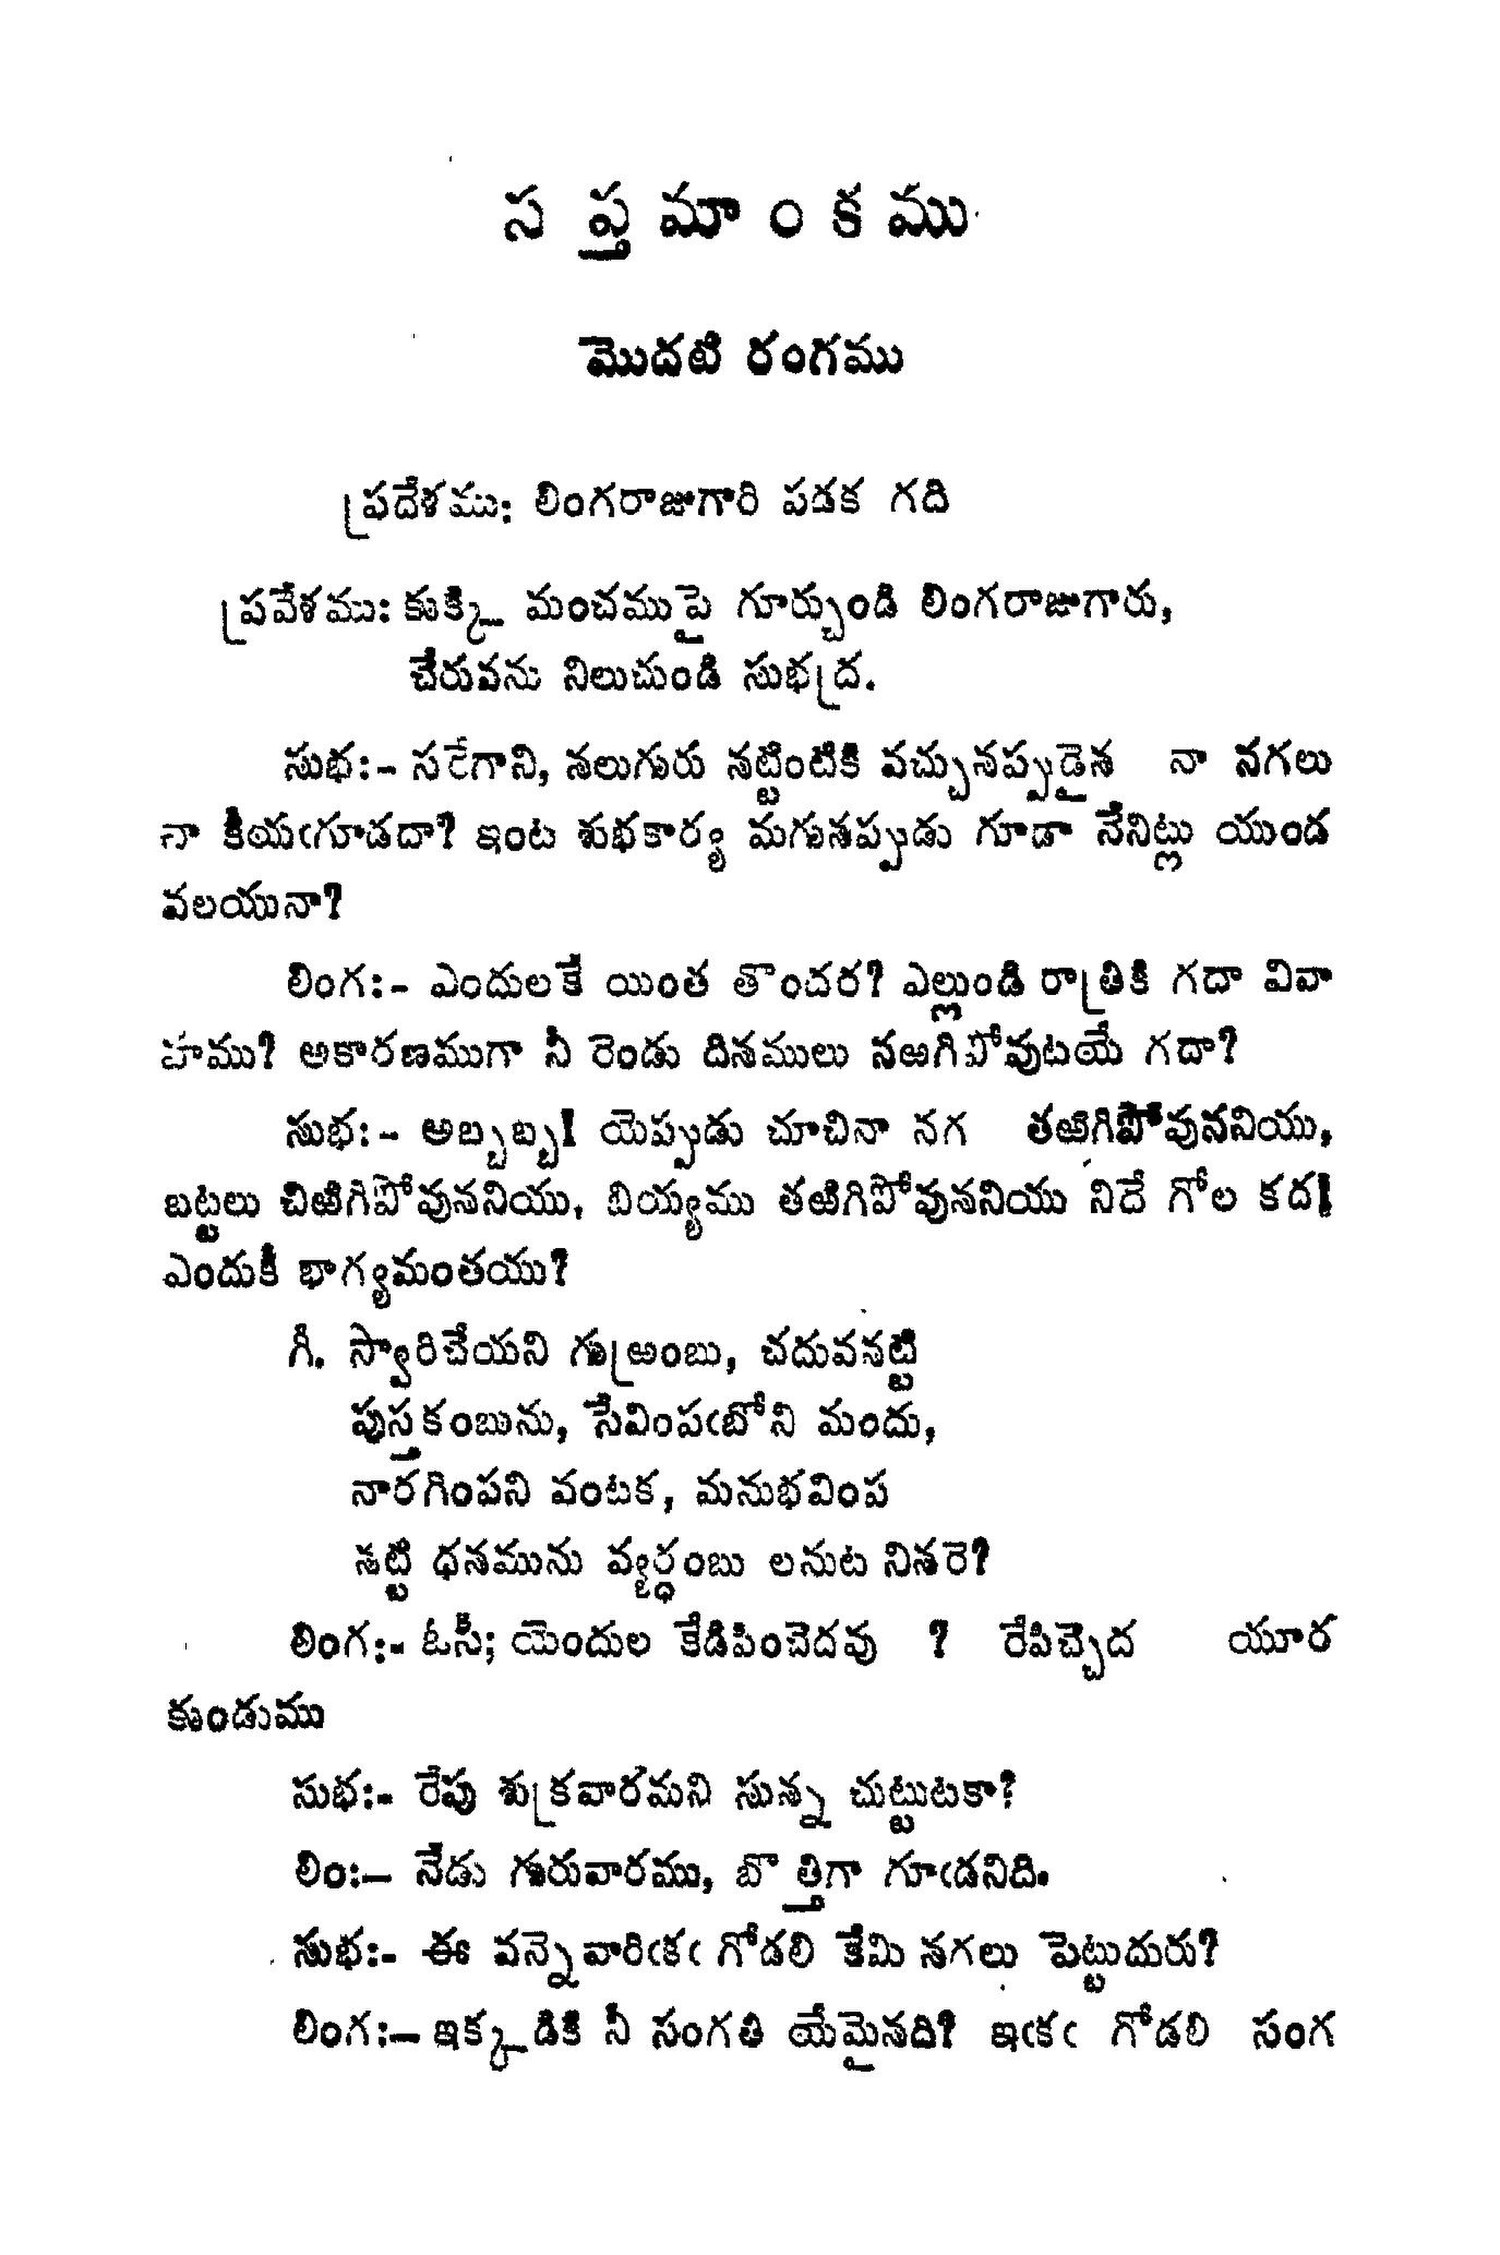సప్తమాంకము
మొదటి రంగము
 

సుభ :- సరేగాని, నలుగురు నట్టింటికి వచ్చునప్పుడైన నా నగలు నాకీయఁగూడదా? ఇంట శుభకార్య మగునప్పుడు గూడ నేనిట్లు యుండవలయునా?

లింగ :- ఎందులకే యింత తొందర? ఎల్లుండి రాత్రికి గదా వివాహము? అకారణముగా నీ రెండు దినములు నఱిగిపోవుటయే గదా?

సుభ :- అబ్బబ్బ! యెప్పుడు చూచిన నగ తఱిగిపోవుననియు, బట్టలు చిఱిగిపోవుననియు, బియ్యము తఱిగిపోవుననియు నిదే గోల కద! ఎందులకీ భాగ్యమంతయు?

గీ. స్వారిచేయని గుఱ్ఱంబు, చదువనట్టి
 పుస్తకంబును, సేవింపఁబోని మందు,
 నారగింపని వంటక, మనుభవింప
 నట్టి ధనమును వ్యర్థంబు లనుట వినరె?
లింగ :- ఓసీ! యెందుల కేడిపించెదవు? రేపిచ్చెద యూరకుండుము.

సుభ :- రేపు శుక్రవారమని సున్న చుట్టుటకా?

లిం :- నేడు గురువారము, గురువారము బొత్తిగా గూఁడనిది.

సుభ :- ఈ వన్నెవారిఁకఁ గోడలి కేమి నగలు పెట్టుదురు?

లింగ :- ఇక్కడికి నీ సంగతి యైనది? ఇఁకఁ గోడలి సంగ